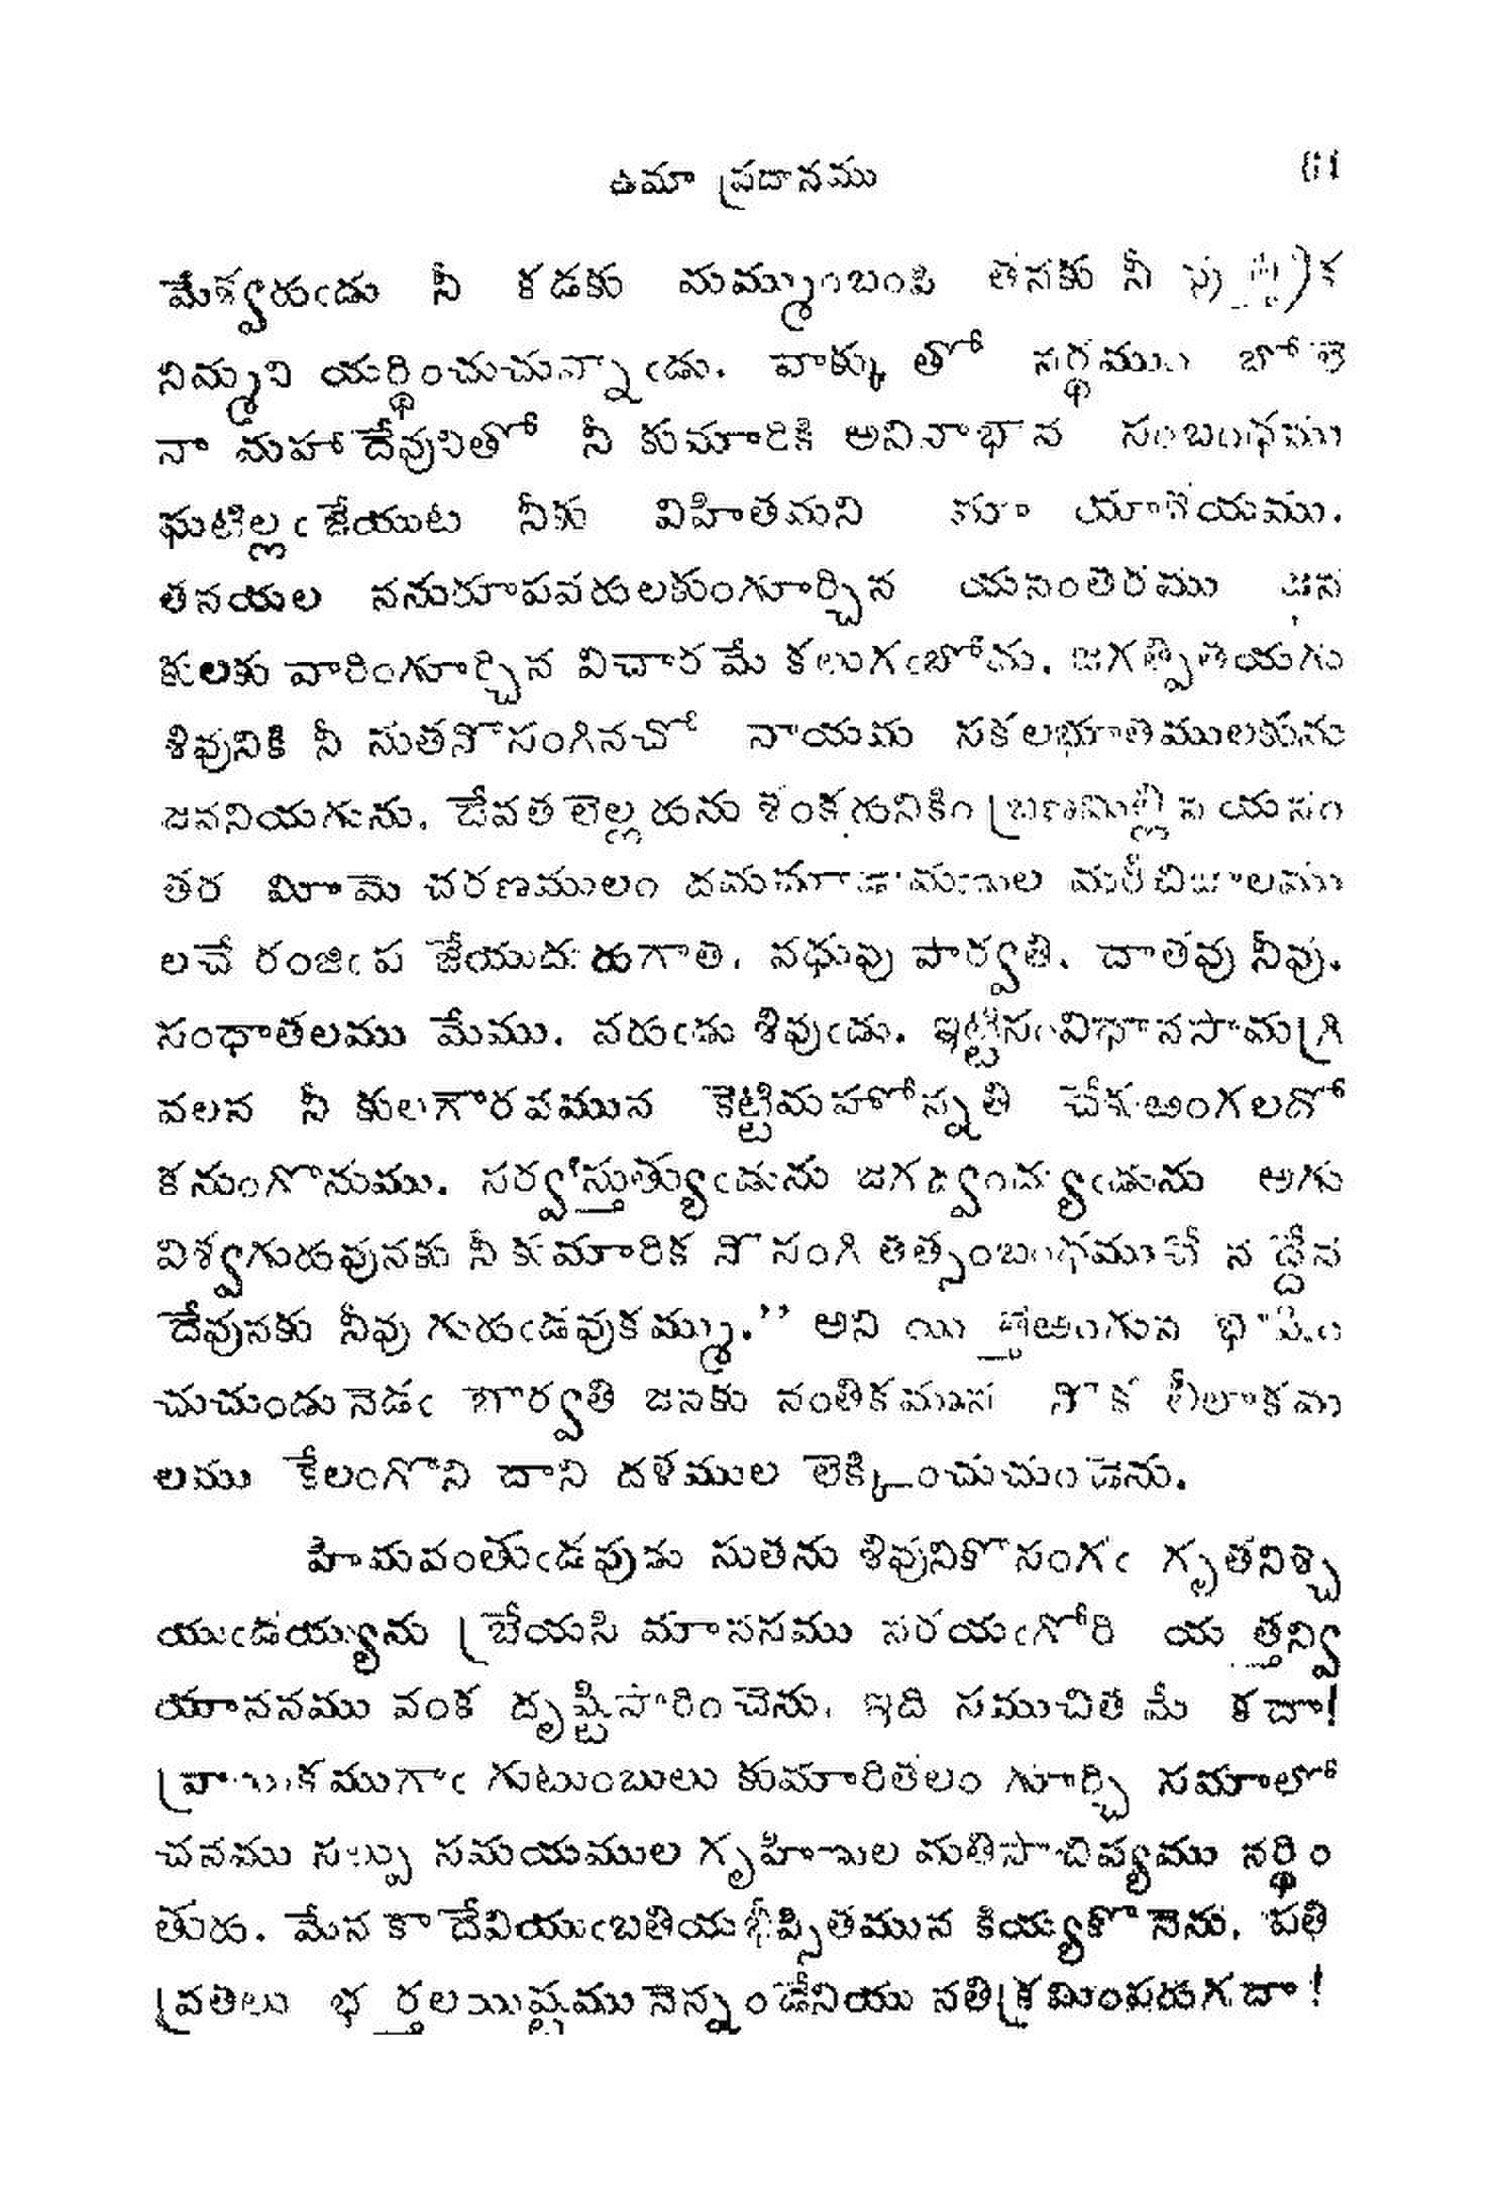మేశ్వరుఁడు నీ కడకు మమ్ముంబంపి తనకు నీ పుత్రిక నిమ్మని యర్థించుచున్నాఁడు. వాక్కు తో నర్ధముం బోలె నా మహా దేవునితో నీ కుమారికి అనినాభావ సంబంధము ఘటిల్లఁ జేయుట నీకు విహితమని మా యాశయము. తనయల ననురూప వరులకుం గూర్చిన యనంతరము జనకులకు వారింగూర్చిన విచారమే కలుగఁబోదు, జగ్పతితయగు శివునికి నీ సుత నోసంగినచో నాయమ సకలభూతములకును జననియగును. దేవత లెల్లరును శంకరునికిం బ్రణమిల్లిన యనంతర మీమె చరణములం దమచూడామణుల మరీచిజాలములచే రంజిఁప జేయుదురుగాత. వధువు పార్వతి, దాతవు నీవు. సంధాతలము మేము, వరుడు శివుఁడు. ఇట్టిసం విధాన సామగ్రి వలన నీ కులగౌరవమున కెట్టిమహోన్నతి చేకూఱంగలదొ
కనుఁగొనుము. సర్వస్తుత్యుఁడును జగద్వంద్యుడును అగు విశ్వగురువునకు నీ కుమారిక నొసంగి తత్సంబంధముచే నద్దేవ
దేవునకు నీవు గురుఁడవుకమ్ము." అని యి త్తఱంగున భాషించుచుండునెడఁ సౌర్వతి జనకు నంతికమునః నౌక లీలాకమ
లము కేలంగొని దాని దళముల లెక్కించుచుండెను.

హిమవంతుఁడపుడు సుతను శివునికోసంగఁ గృతనిశ్చియుఁడయ్యును బ్రేయసి మానసము నరయఁగోరి యత్తన్వి యాననము వంక దృష్టిసారించెను. ఇది సముచితమే కదా! వ్రాజకముగాఁ గుటుంబులు కుమారితలం గూర్చి సమాలోచనము సల్పు సమయముల గృహిణుల మతిసాచివ్యము నర్థింతురు. మేనకాదేవియుఁబతియభీ ప్సితమున కియ్యకొనెను, పతివ్రతలు భర్తలయిష్టము నెన్నం డేనియు నతిక్రమింపరుగదా !